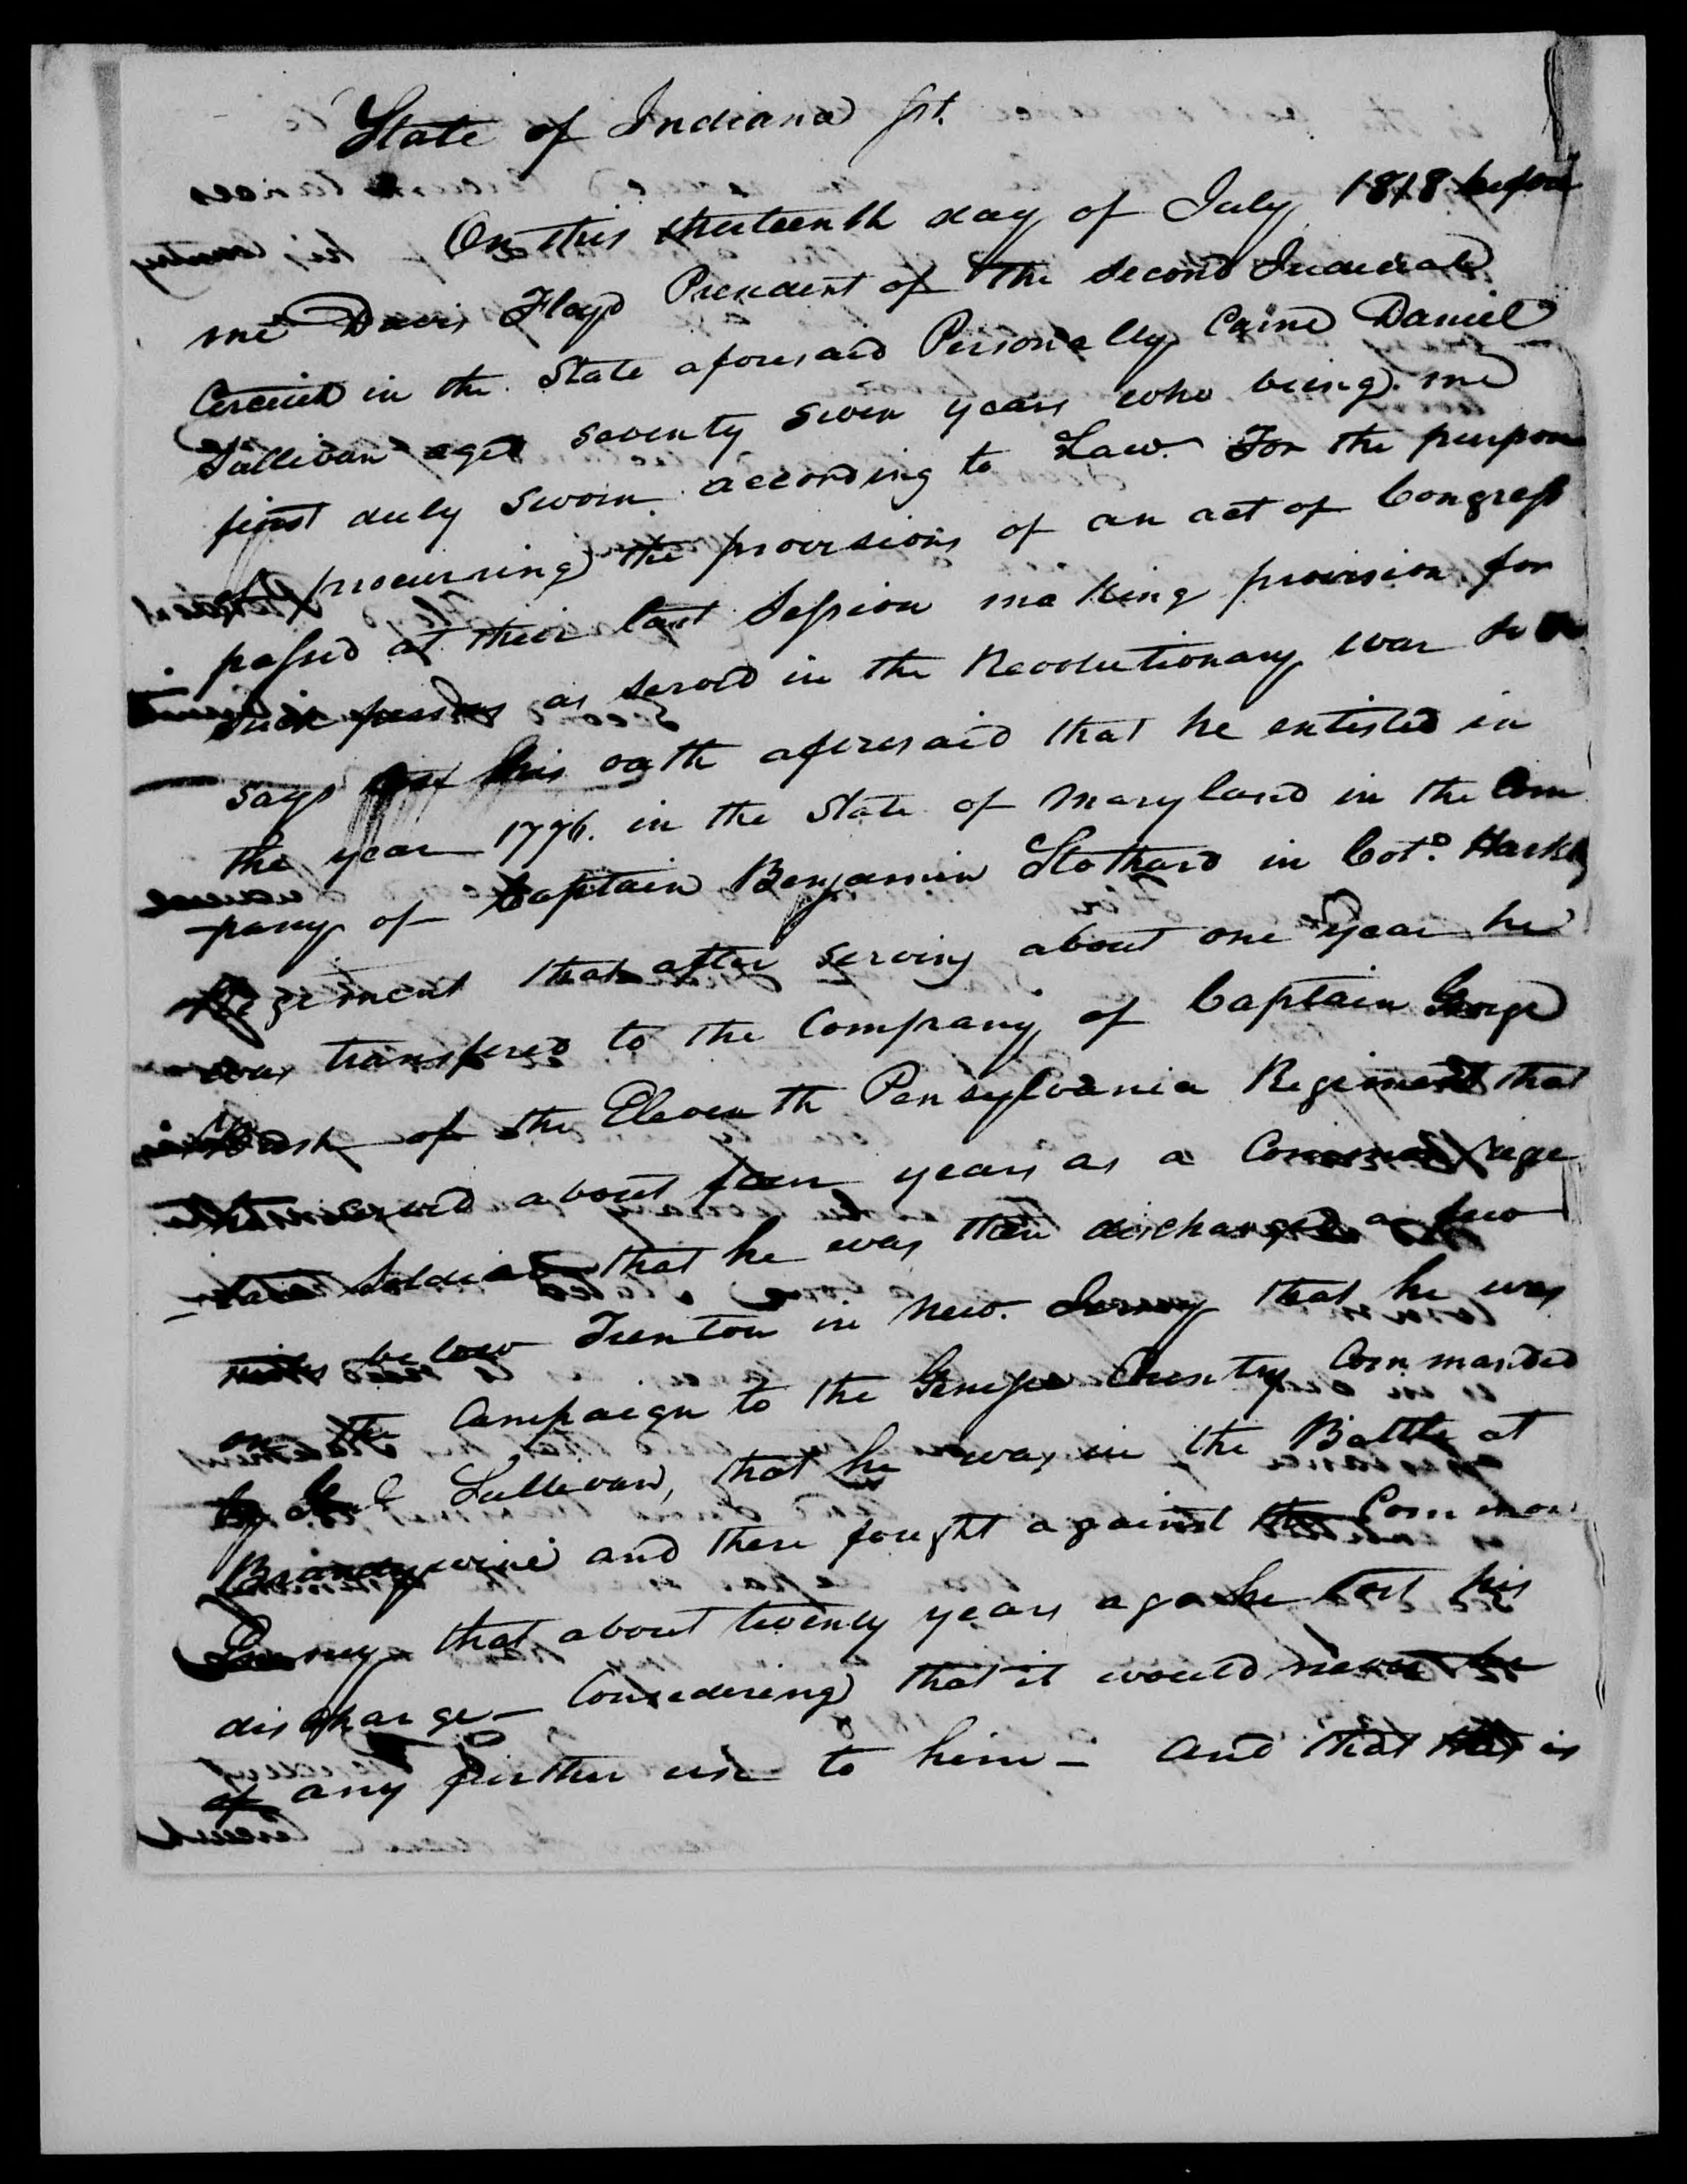State of Indiana sct.

On this thirteenth day of July 1848 before me David Floyd President of the Second Judicial Circuit in the State aforesaid personally came Daniel Sullivan aged seventy-seven years who being first duly sworn according to law for the purpose of procuring the provisions of an act of congress passed at their last session making provisions for such persons as served in the Revolutionary war  - he says on his oath aforesaid that he enlisted in the year 1776 in the state of Maryland in the Company of Captain Benjamin Stothard in Col. Haskills regiment that after serving about one year he was transferred to the Company of Captain George Bush of the eleventh Pennsylvania regiment that after about four years as a common soldier that he was then discharged a few days below Trenton in New Jersey that he was on the campaign to the Genesee Country commanded by Col. Sullivan that he was in the battle at Brandywine and there fought against the common enemy that about twenty years ago he lost his discharge - considering that it would not be of any further use to him - and that he is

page: 3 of 78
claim: widow's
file: W. 25,169, for Daniel Sullivan, Maryland